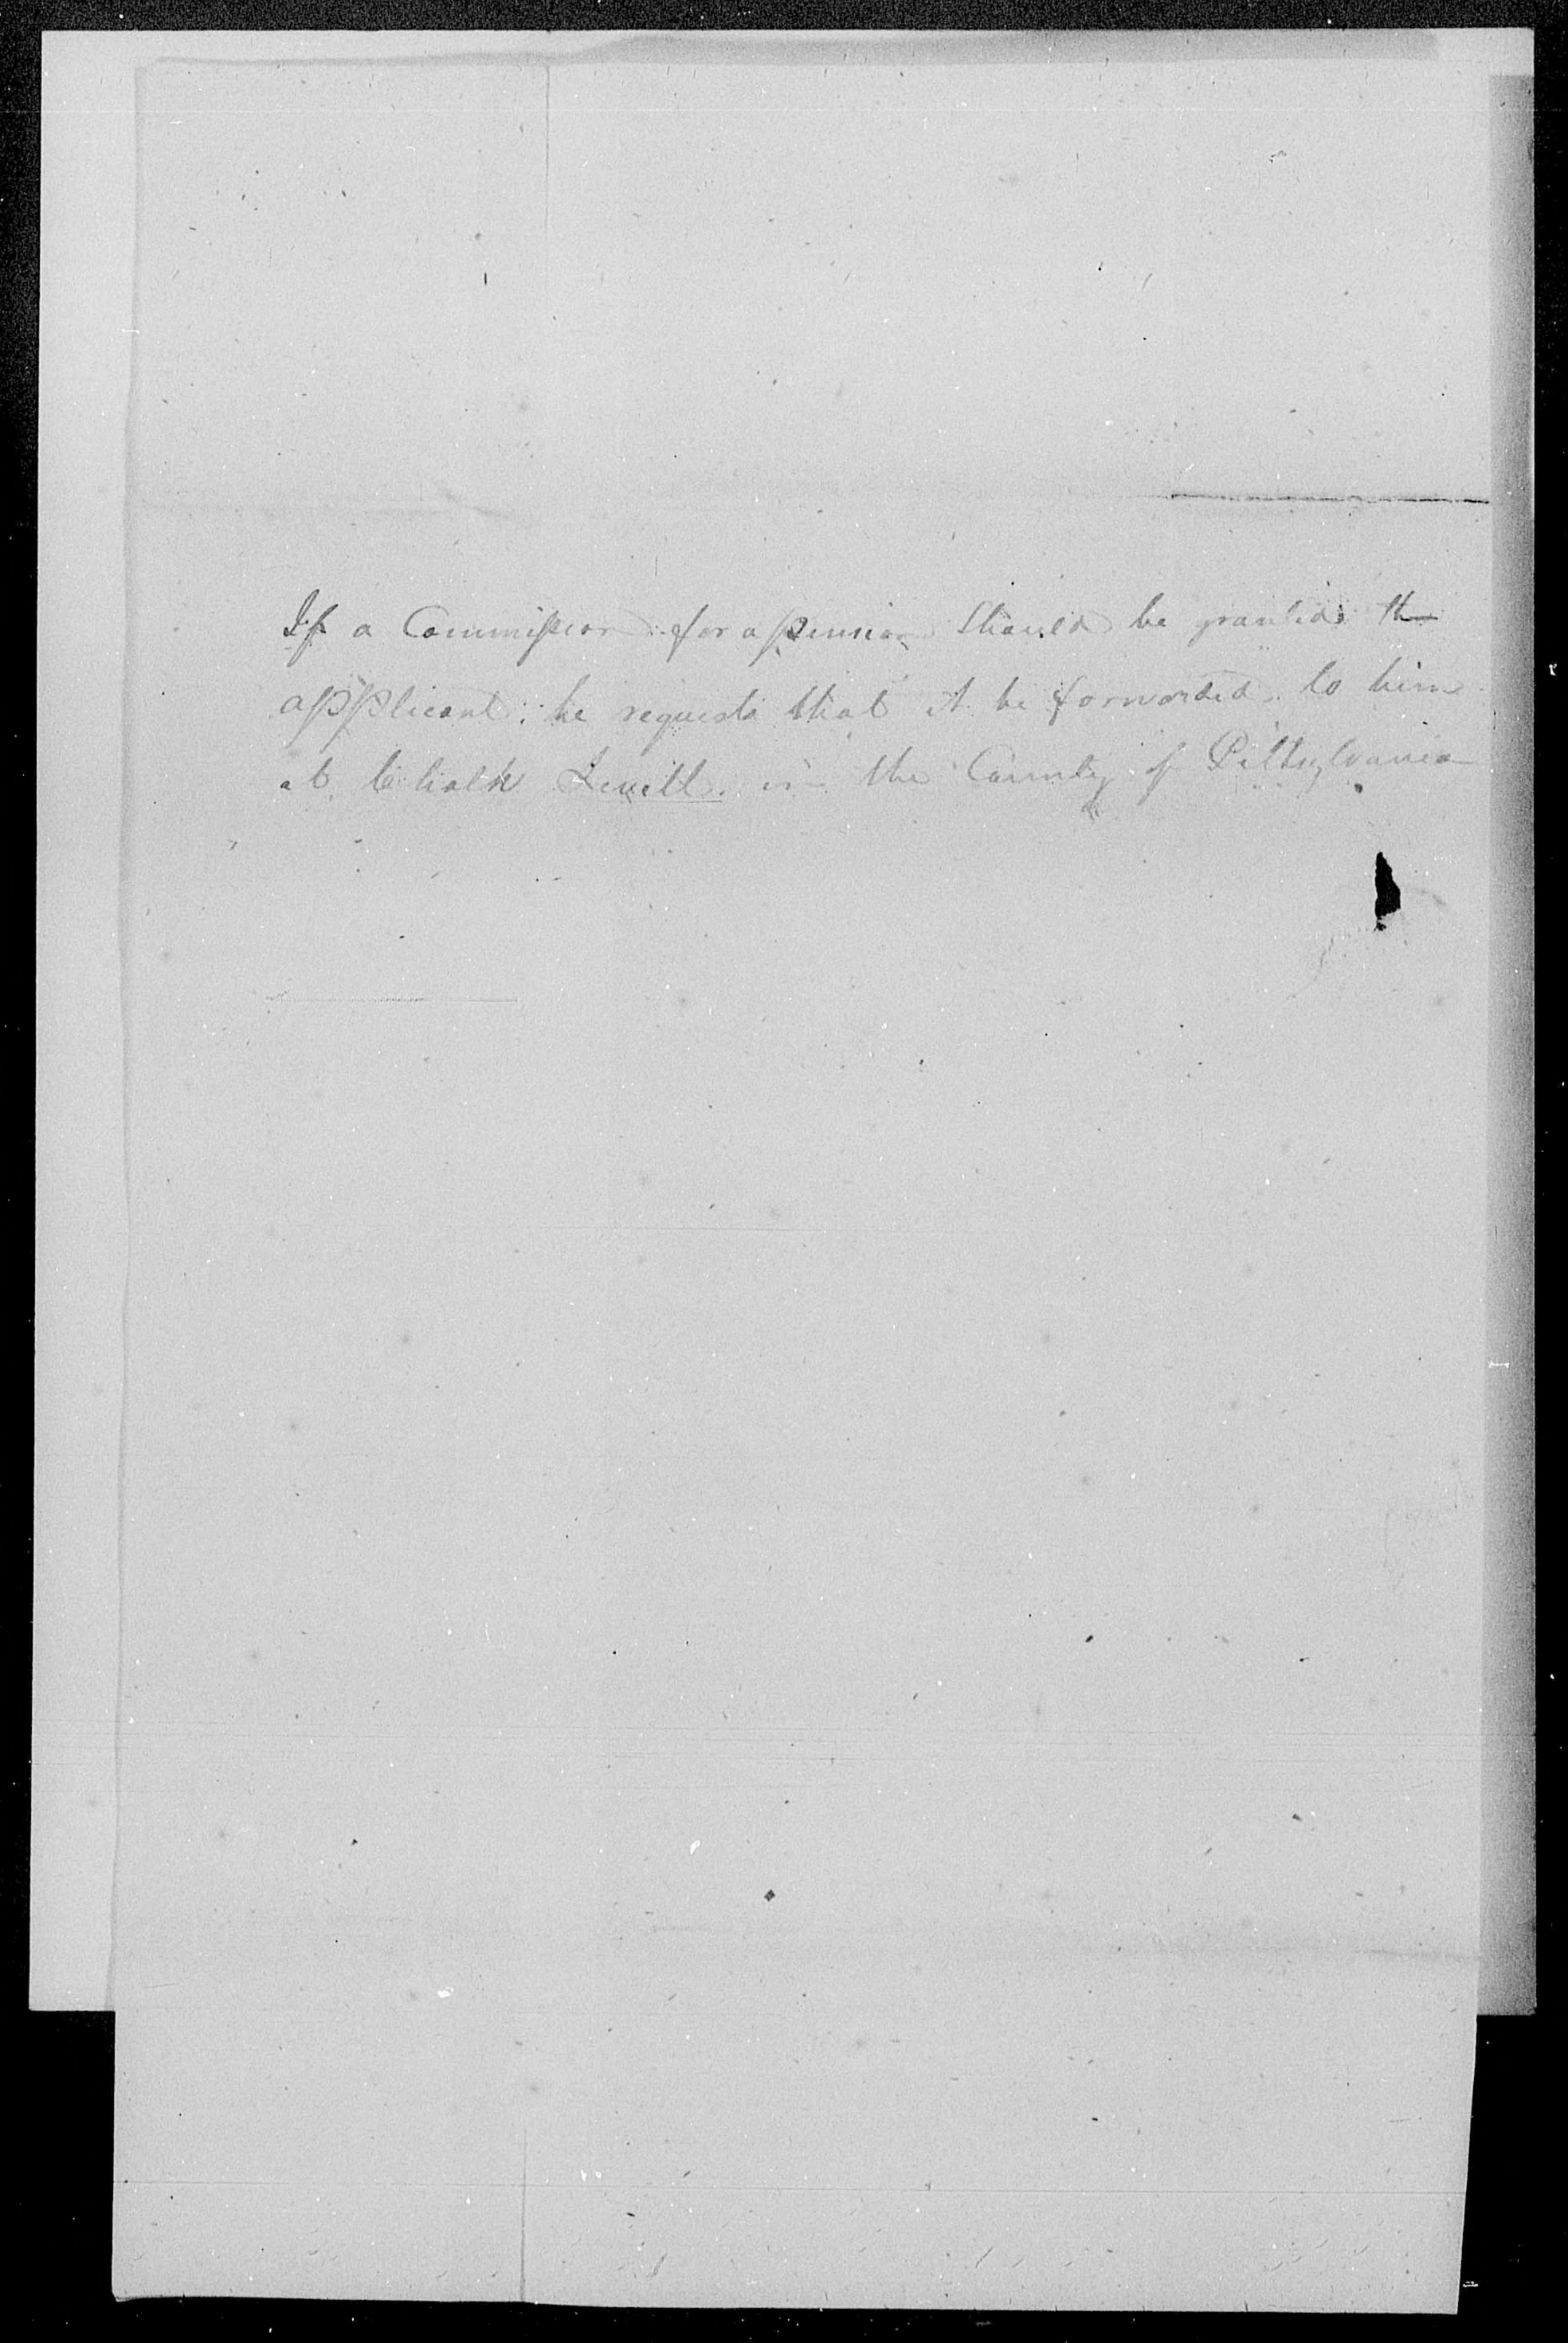If a commission for a pension should be granted the applicant he requests that I be forwarded to him at Chalk Levell in the County of Pittsylvania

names: Chalk Levell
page: 17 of 26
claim: survivor's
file: S. 20896, Griffeth Dickenson, Ga. Va.